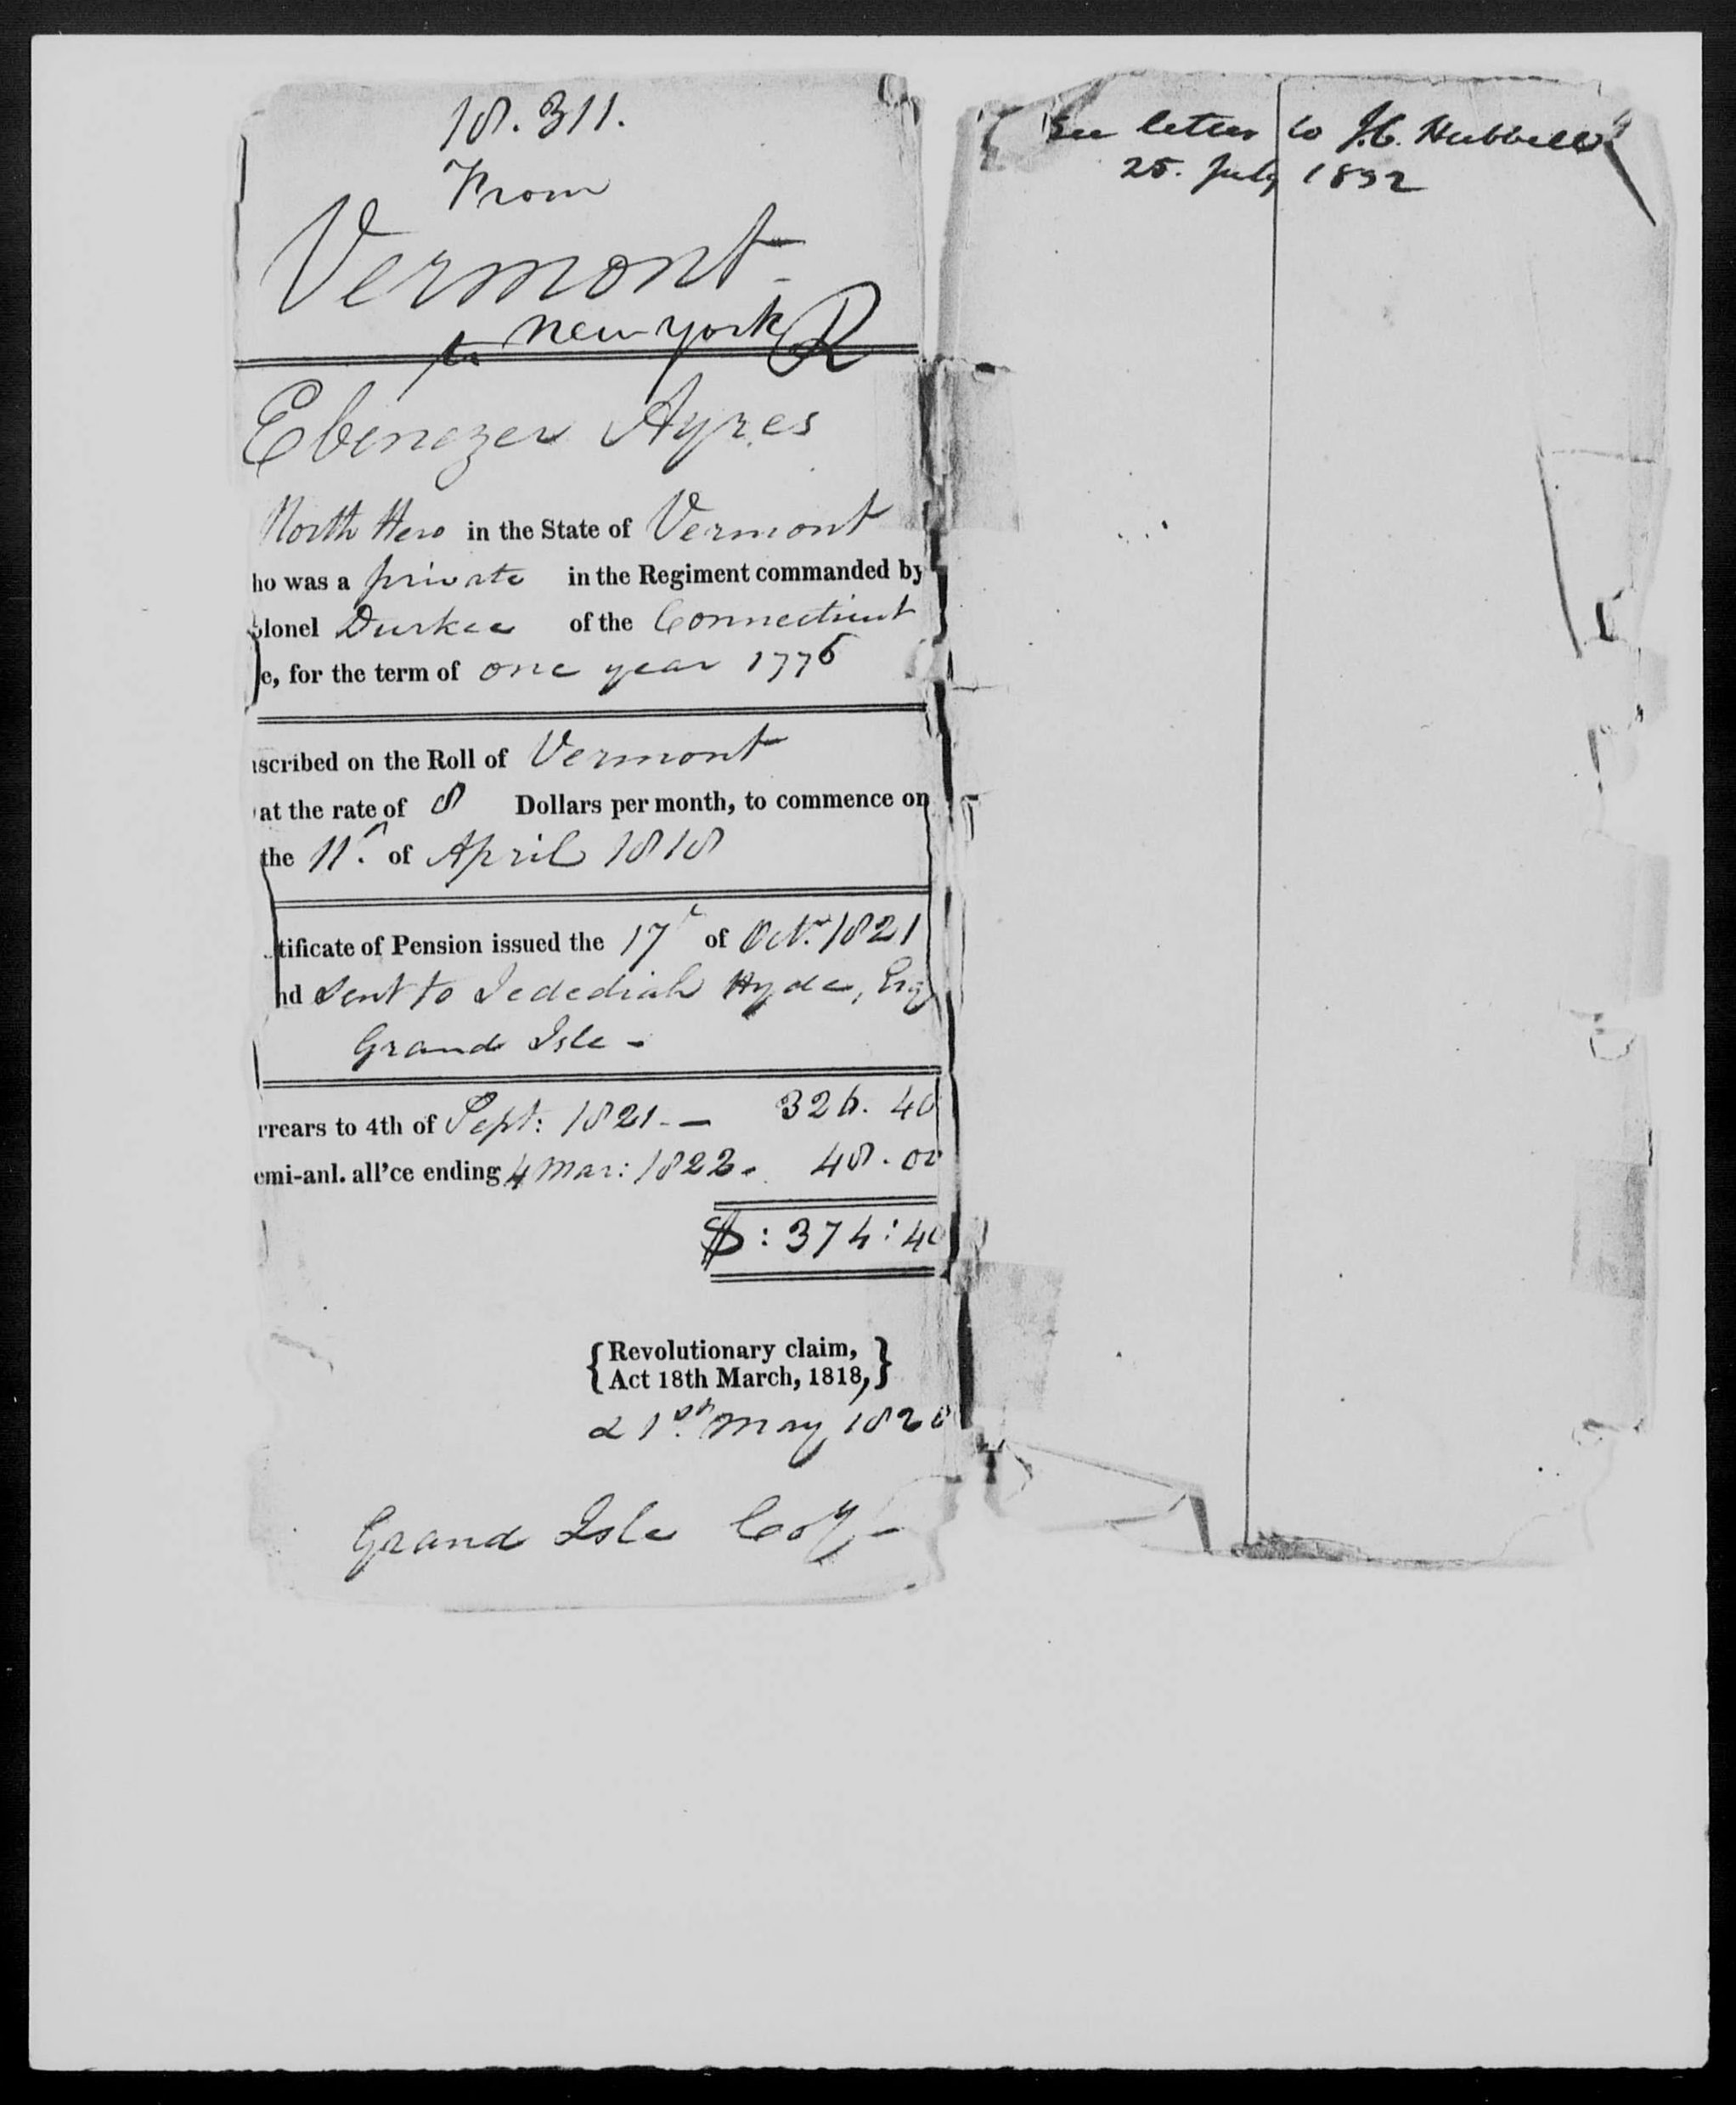10.311
From
Vermont
to New York
Ebenezer Ayres
North Hero in the State of Vermont
ho was a private in the Regiment commanded by Colonel Durkee of the Connecticut
, for the term of one year 1776
scribed on the Roll of Vermont
at the rate of 8 Dollars per month, to commence onthe 11th of April 1818 
tificate of Pension issued the 17 of Oct. 1821
and sent to Jedediah Hyde, Esq
Grand Isle
rrears to 4th of Sept. 1821.
326.40
emi-anl. all'ce ending 4 Mar 1822. 40.00
$374.40 ┃
{Revolutionary claim,}
{Act 18th March, 1818 }
21st May 1828
Grand Isle Co
See letter to H. Hubbell
25 July 1832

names: Ebenezer Ayres, H Hubbell, Jedediah Hyde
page: 1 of 50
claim: widow's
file: W. 8559, Ebenezer Ayer, Continental (Conn)